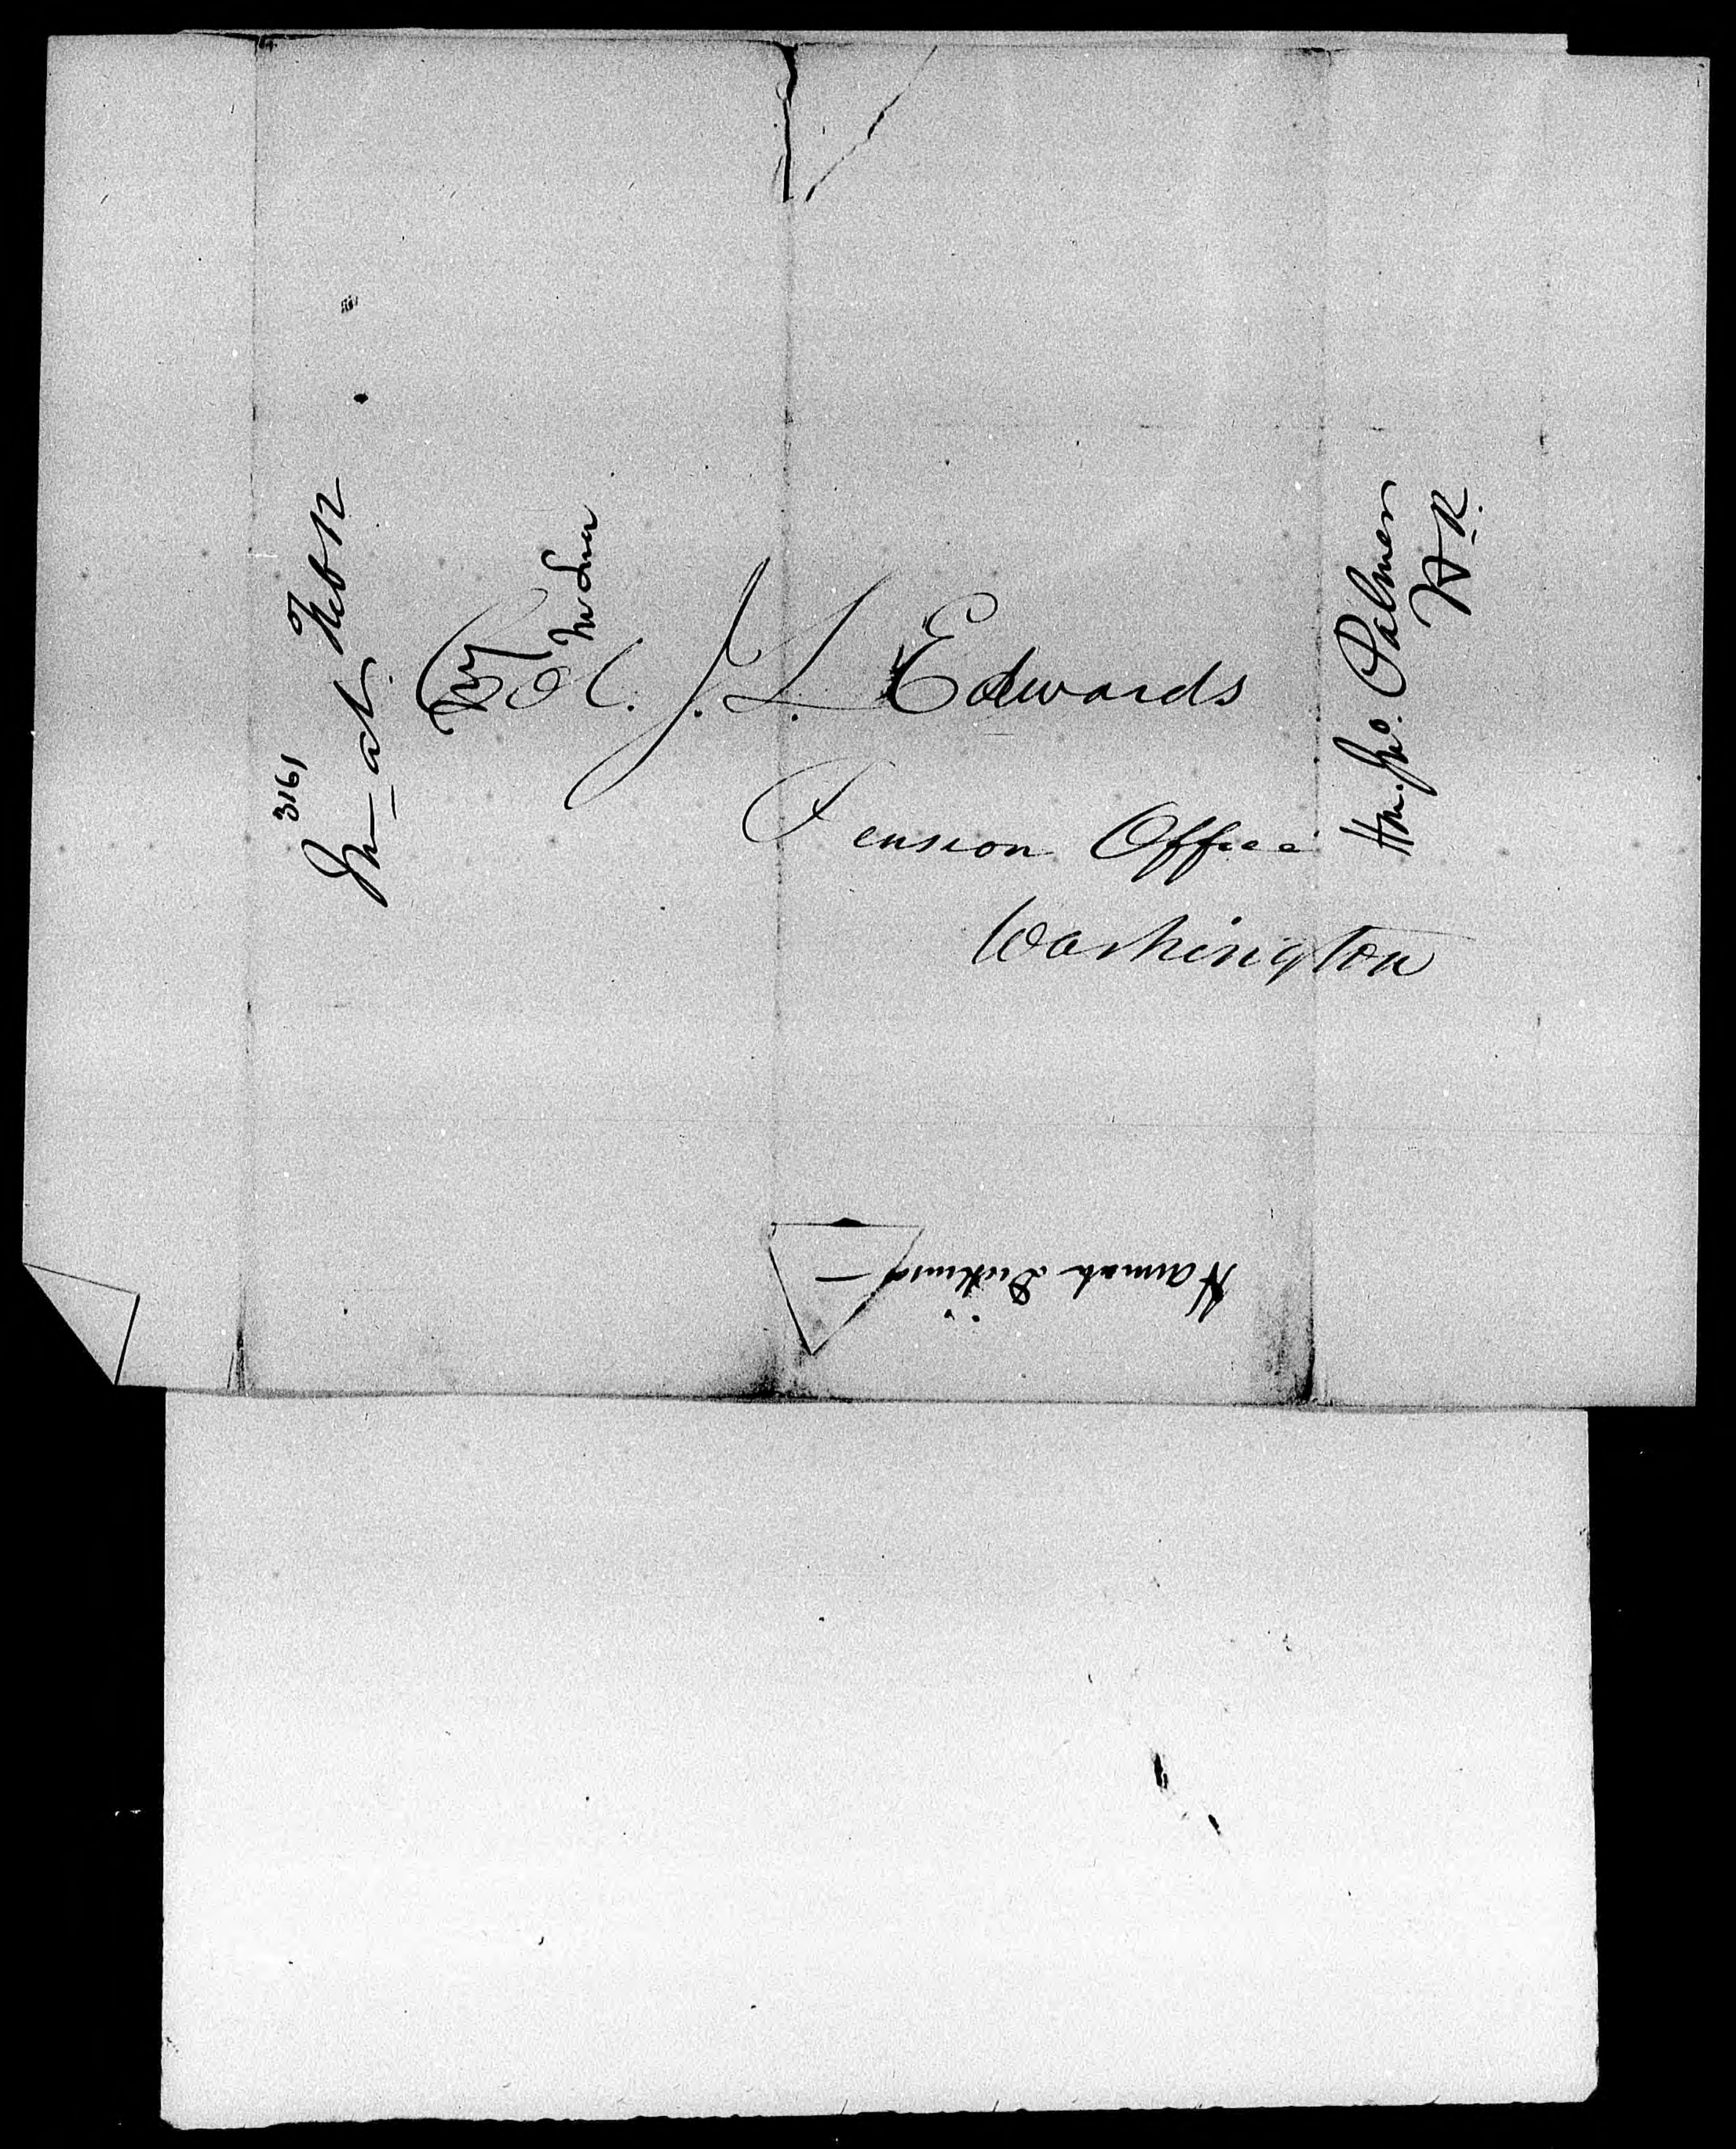Col. J. L. Edwards
Pension Office
Washington 

3161 
Jn ab 
NY
Nelson

Hm Jnr Palmer
A R

Hannah Dickinson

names: Hannah Dickinson, Jno Palmer, J L Edwards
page: 33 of 60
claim: widow's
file: W 16,955, Samuel Dickinson, Conn.